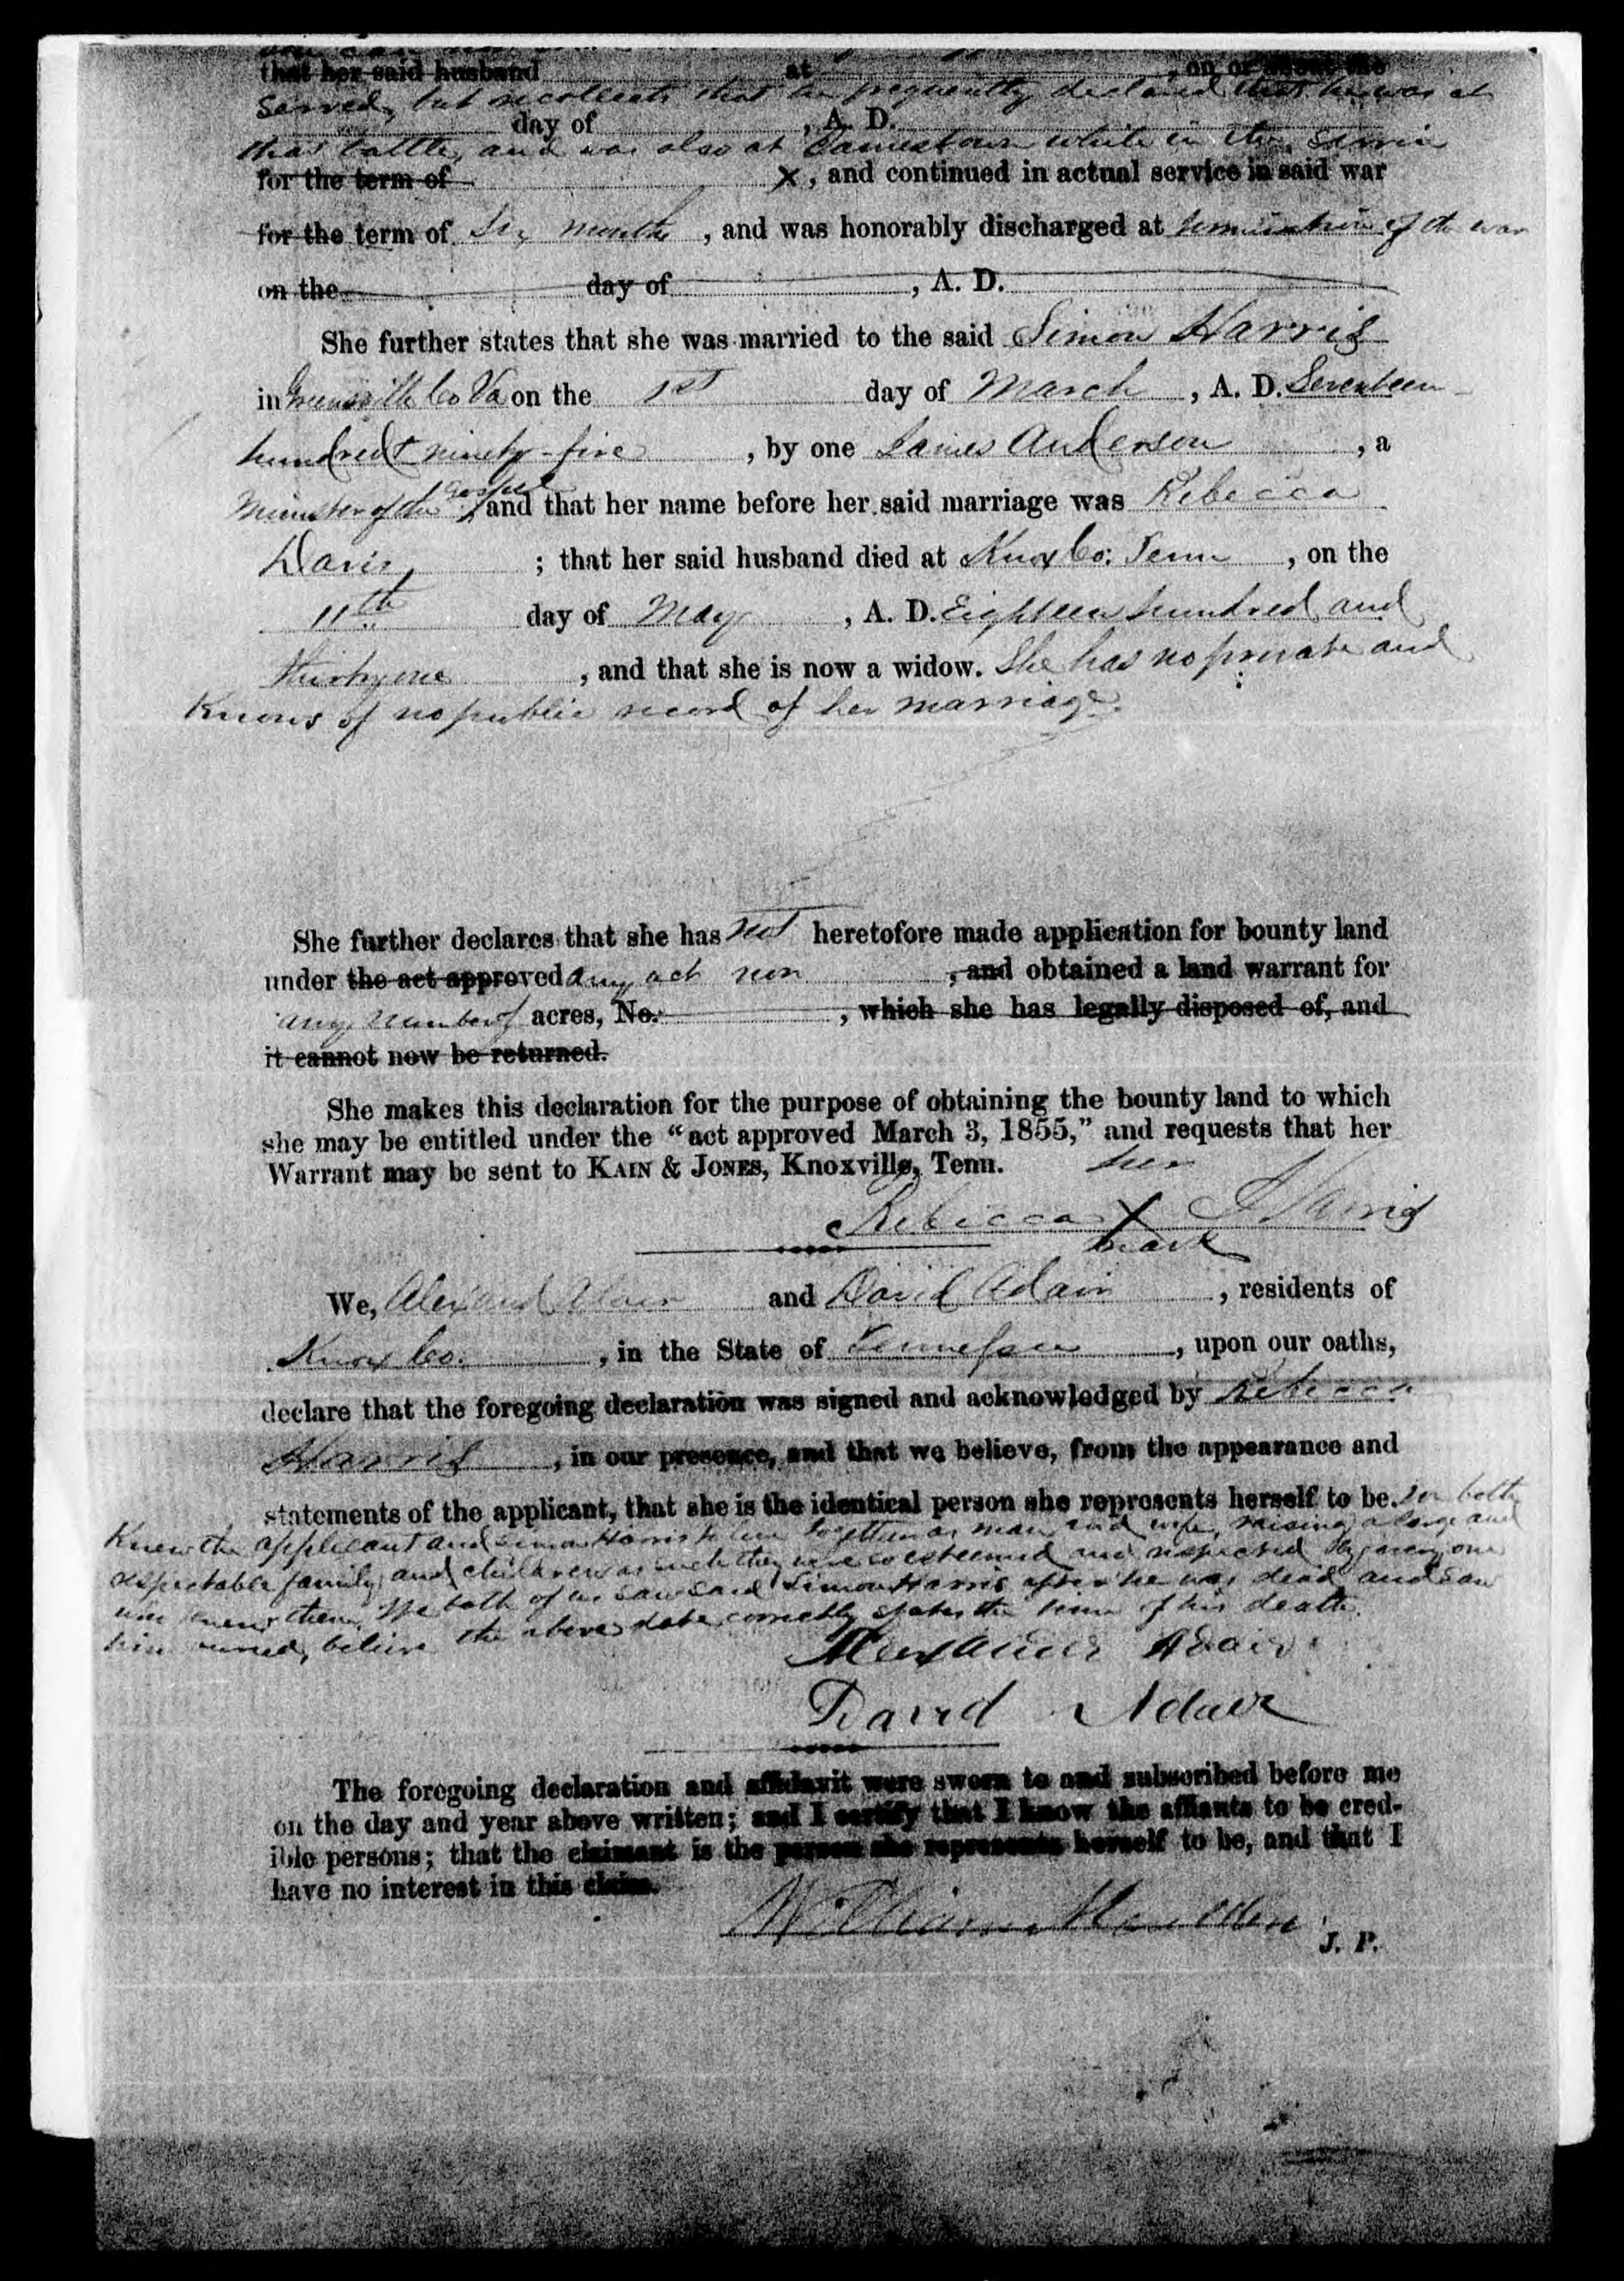[illegible]
(that her said husband     at    on or about the crossed out)
served, but recollect, that he frequently did and that he was at (    day of     , A.D.     crossed out)
that battle and was also at Jamestown while in the service (for the term of    x, crossed out) and continued in actual service in said war (for the term crossed out) of six months, and was honorably discharged at termination of the war (on the     day of     , A.D.      crossed out)

She further states that she was married to the said Simon Harris in Greensville Co Va on the 1st day of March, A.D., Seventeen hundred & ninety-five, by one James Anderson, a Minister of the Gospel, and that her name before her said marriage was Rebecca David; that her said husband died at Knox Co; Tenn., on the 11th day of May, A.D. Eighteen hundred and thirty one, and that she is now a widow. She has no private and knows of no public record of her marriage.

She further declares that she has not heretofore made application for bounty land under (the act approved crossed out) any act non, (and crossed out) obtained a land warrant for any number of acres, (No.     , which she has legally disposed of, and it cannot now be returned. crossed out)

She makes this declaration for the purpose of obtaining the bounty land to which she may be entitled under the "act approved March 3, 1855, " and requests that her Warrant may be sent to Kain & Jones, Knoxville, Tenn.
              her
Rebecca   X    Harris
              mark

We, Alexander Adair and David Adair, residents of Knox Co., in the State of Tennessee, upon our oaths, declare that the foregoing declaration was signed and acknowledged by Rebecca Harris =, in our presence and that we believe, from the appearance and statements of the applicant, that she is the identical person she represents herself to be, for both know the applicant and Simon Harris to live together as man and wife,  raising a large and respectable family, and children as such they were so esteemed and respected by every one who knew them. We both of us saw said Simon Harris after he was dead and saw him buried, believe the above date correctly states the time of his death.

Alexander Adair
David Adair

The foregoing declaration and affidavit were sworn to and subscribed before me on the day and year above written; and I certify that I know the affiants to be credible persons; that the claimant is the person she represents herself to be, and that I have no interest in this claim.

William Moulden, J. P.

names: Simon Harris, William Moulden, Simon Harris, Alexander Adair, Rebecca Davis, Rebecca Harris, Alexand Adair, Simon Harris, Rebecca Harris, David Adair, David Adair, James Anderson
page: 9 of 24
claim: rejected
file: R. 4684, Simon Harris, Va.